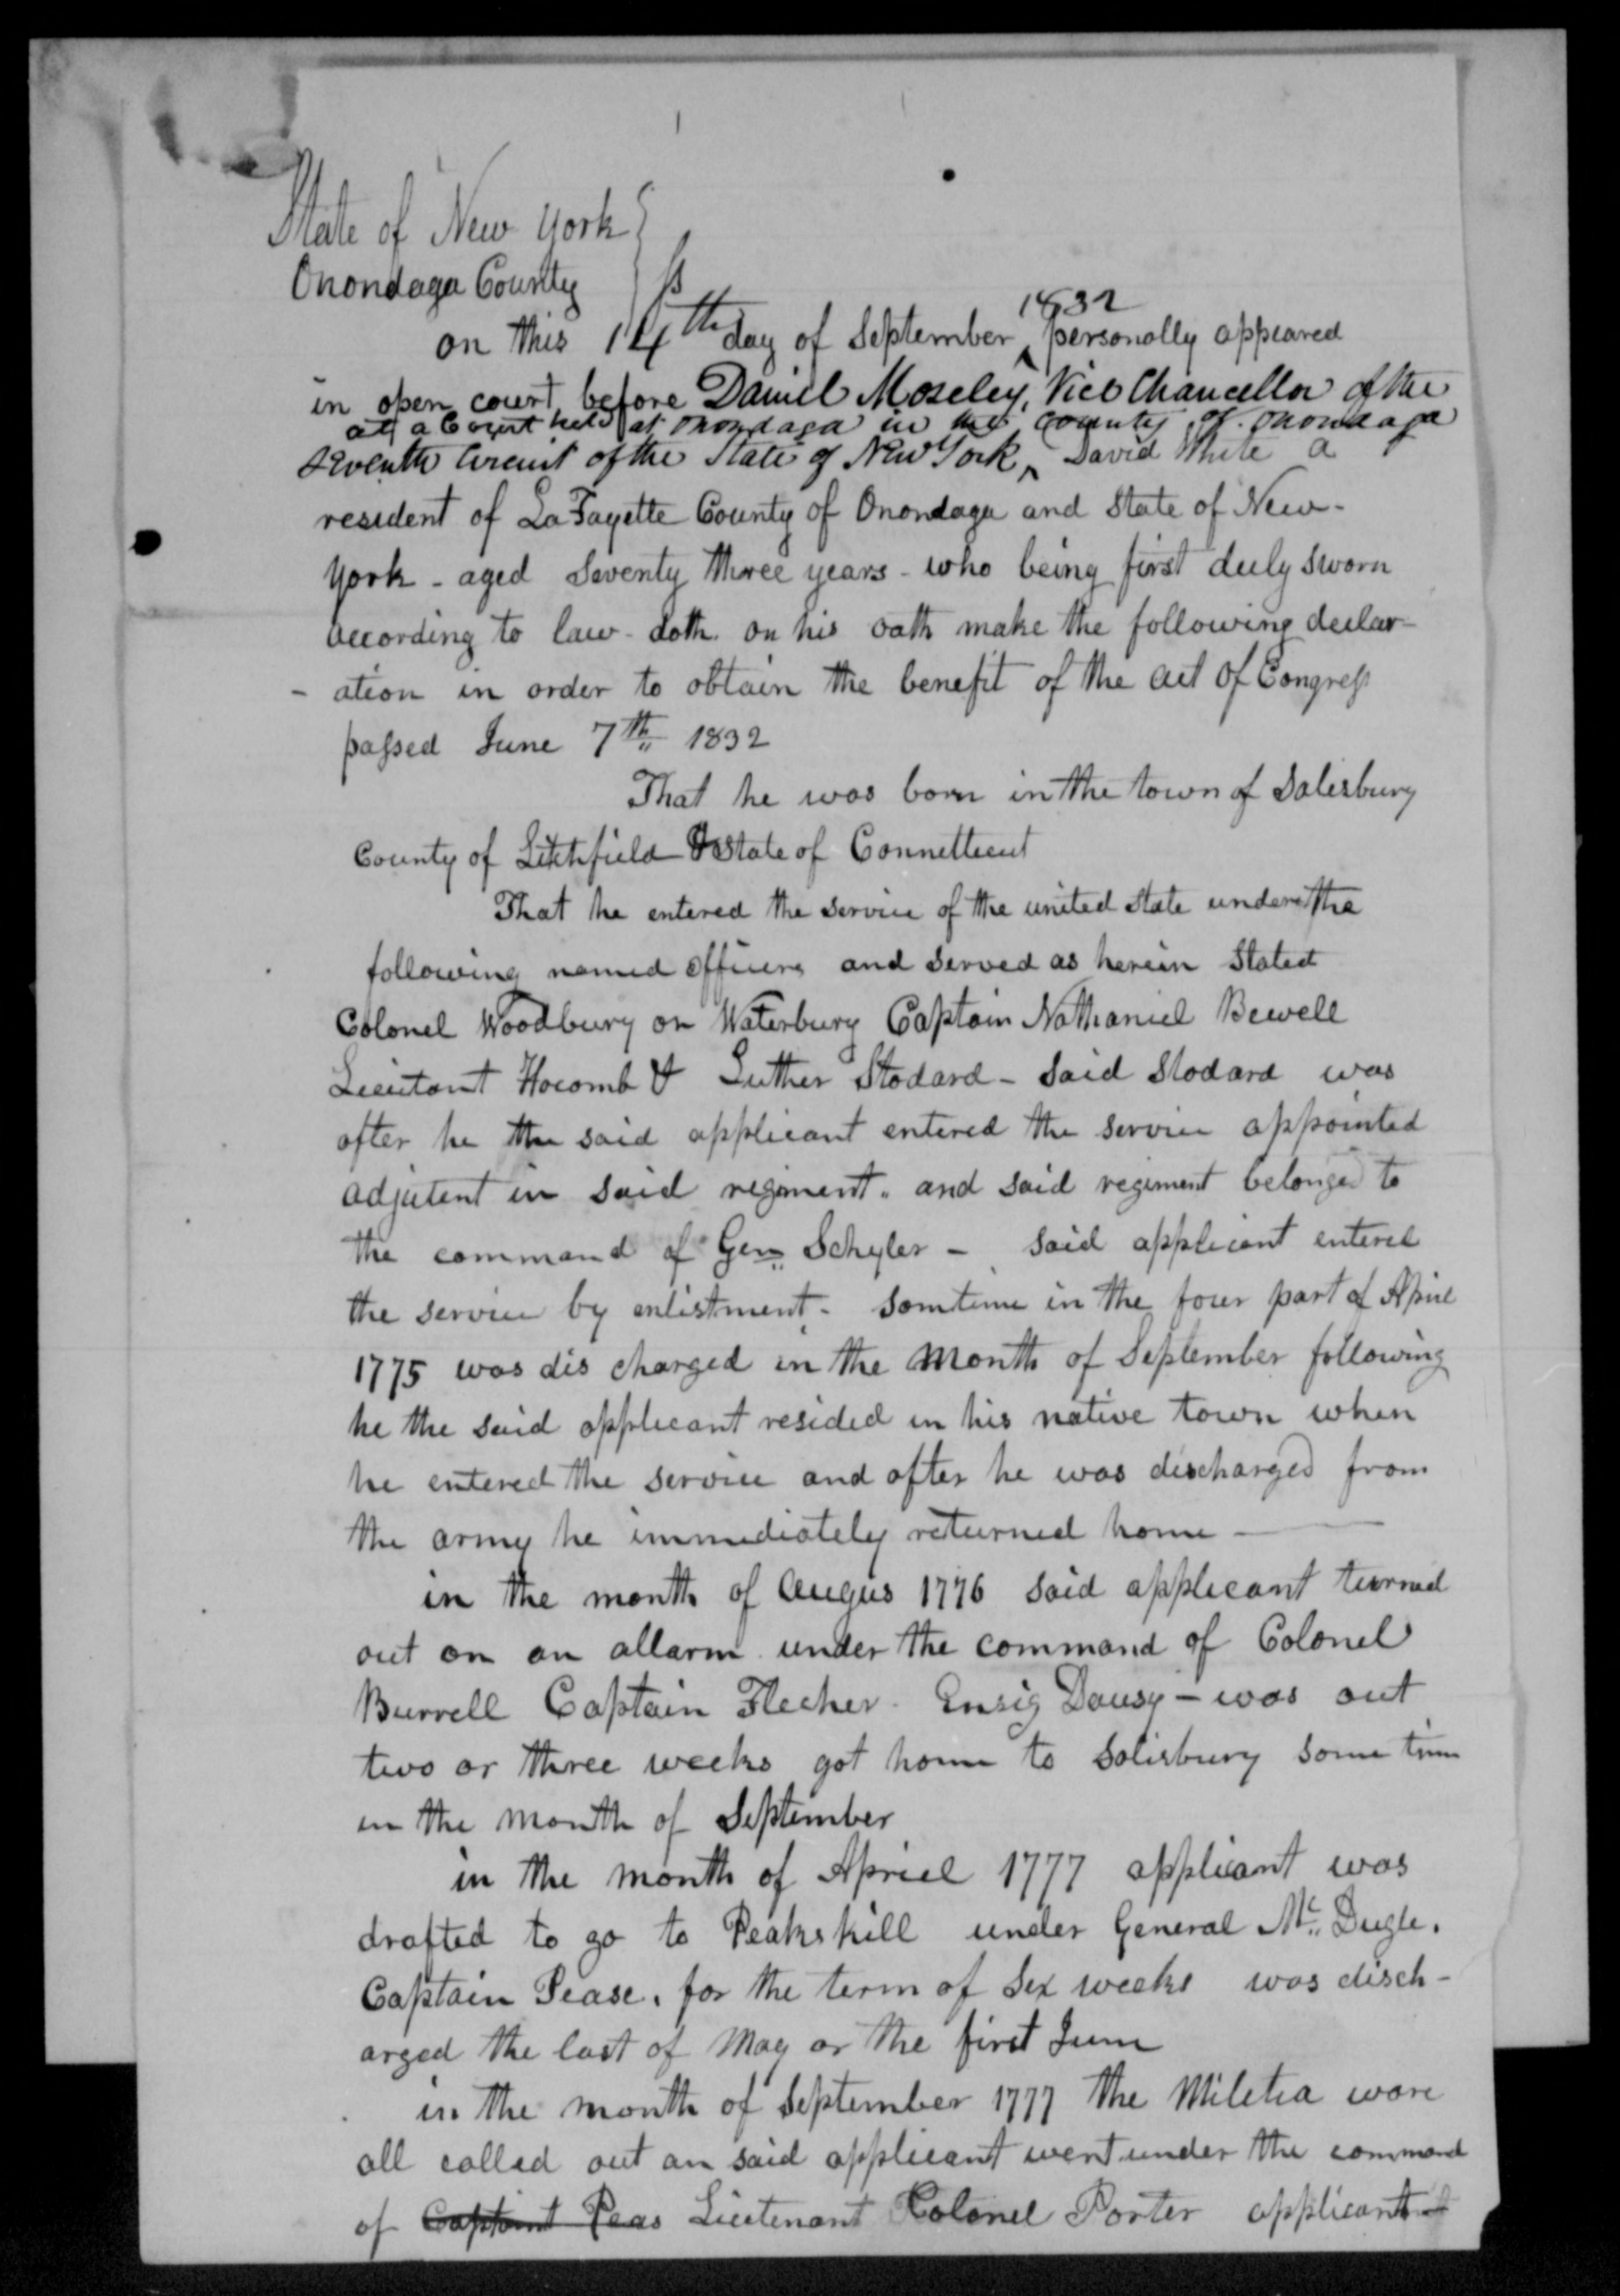State of New York Onondaga County} fs

On this 14th day of September ^1832 personally appeared in open court before Daniel Mosely, Vice Chancellor of the Seventh Circuit of the State of New York ^at a court held at Onondaga in the County of Onondaga David White a resident of Lafayette County of Onondaga and State of New York-aged Seventy three years-who being first duly sworn according to law doth on his oath make the following declaration in order to obtain the benefit of the Act of Congress passed June 7th 1832.

That he was born in the town of Salisbury County of Litchfield & State of Connecticut. That he entered the Service of the United State[s] under the following named officers and served as herein stated Colonel Woodbury or Waterbury Captain Nathaniel Bewell Lieutenant Hocomb & Luther Stodard--Said Stodard was after he the said applicant entered the service appointed adjutent in said regiment and said regiment belonged to the command of Gen Schyler -- said applicant entered the service by enlistment. Sometime in the four part of April 1775 was discharged in the month of September following he the said applicant resided in his native town when he entered the service and after he was discharged from the army he immediately returned home---in the month of Augus[t] 1776 said applicant turned out on an allarm[sic] under the command of Colonel Burrell Captain Fle[t]cher. Ensig[n] Dausy--was out two or three weeks got home to Salisbury sometime in the month of September.

In the month of April 1777 applicant was drafted to go to Peakskill under General McDugle Captain Pease, for the term of six weeks was discharged the last of May or the first June. In the month of September 1777 the Militia were all called out an said applicant went under the command of Lieutenant Colonel Porter. Applicant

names: Nathaniel Bewell, Daniel Moseley, Hocomb, David White, Burrell, Mc Dugle, Luther Stodard, Flecher, Ensig Dausy, Waterbury, Pease, Porter, Schyler, Woodbury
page: 4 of 63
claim: widow's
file: W. 18403, David White, Conn.